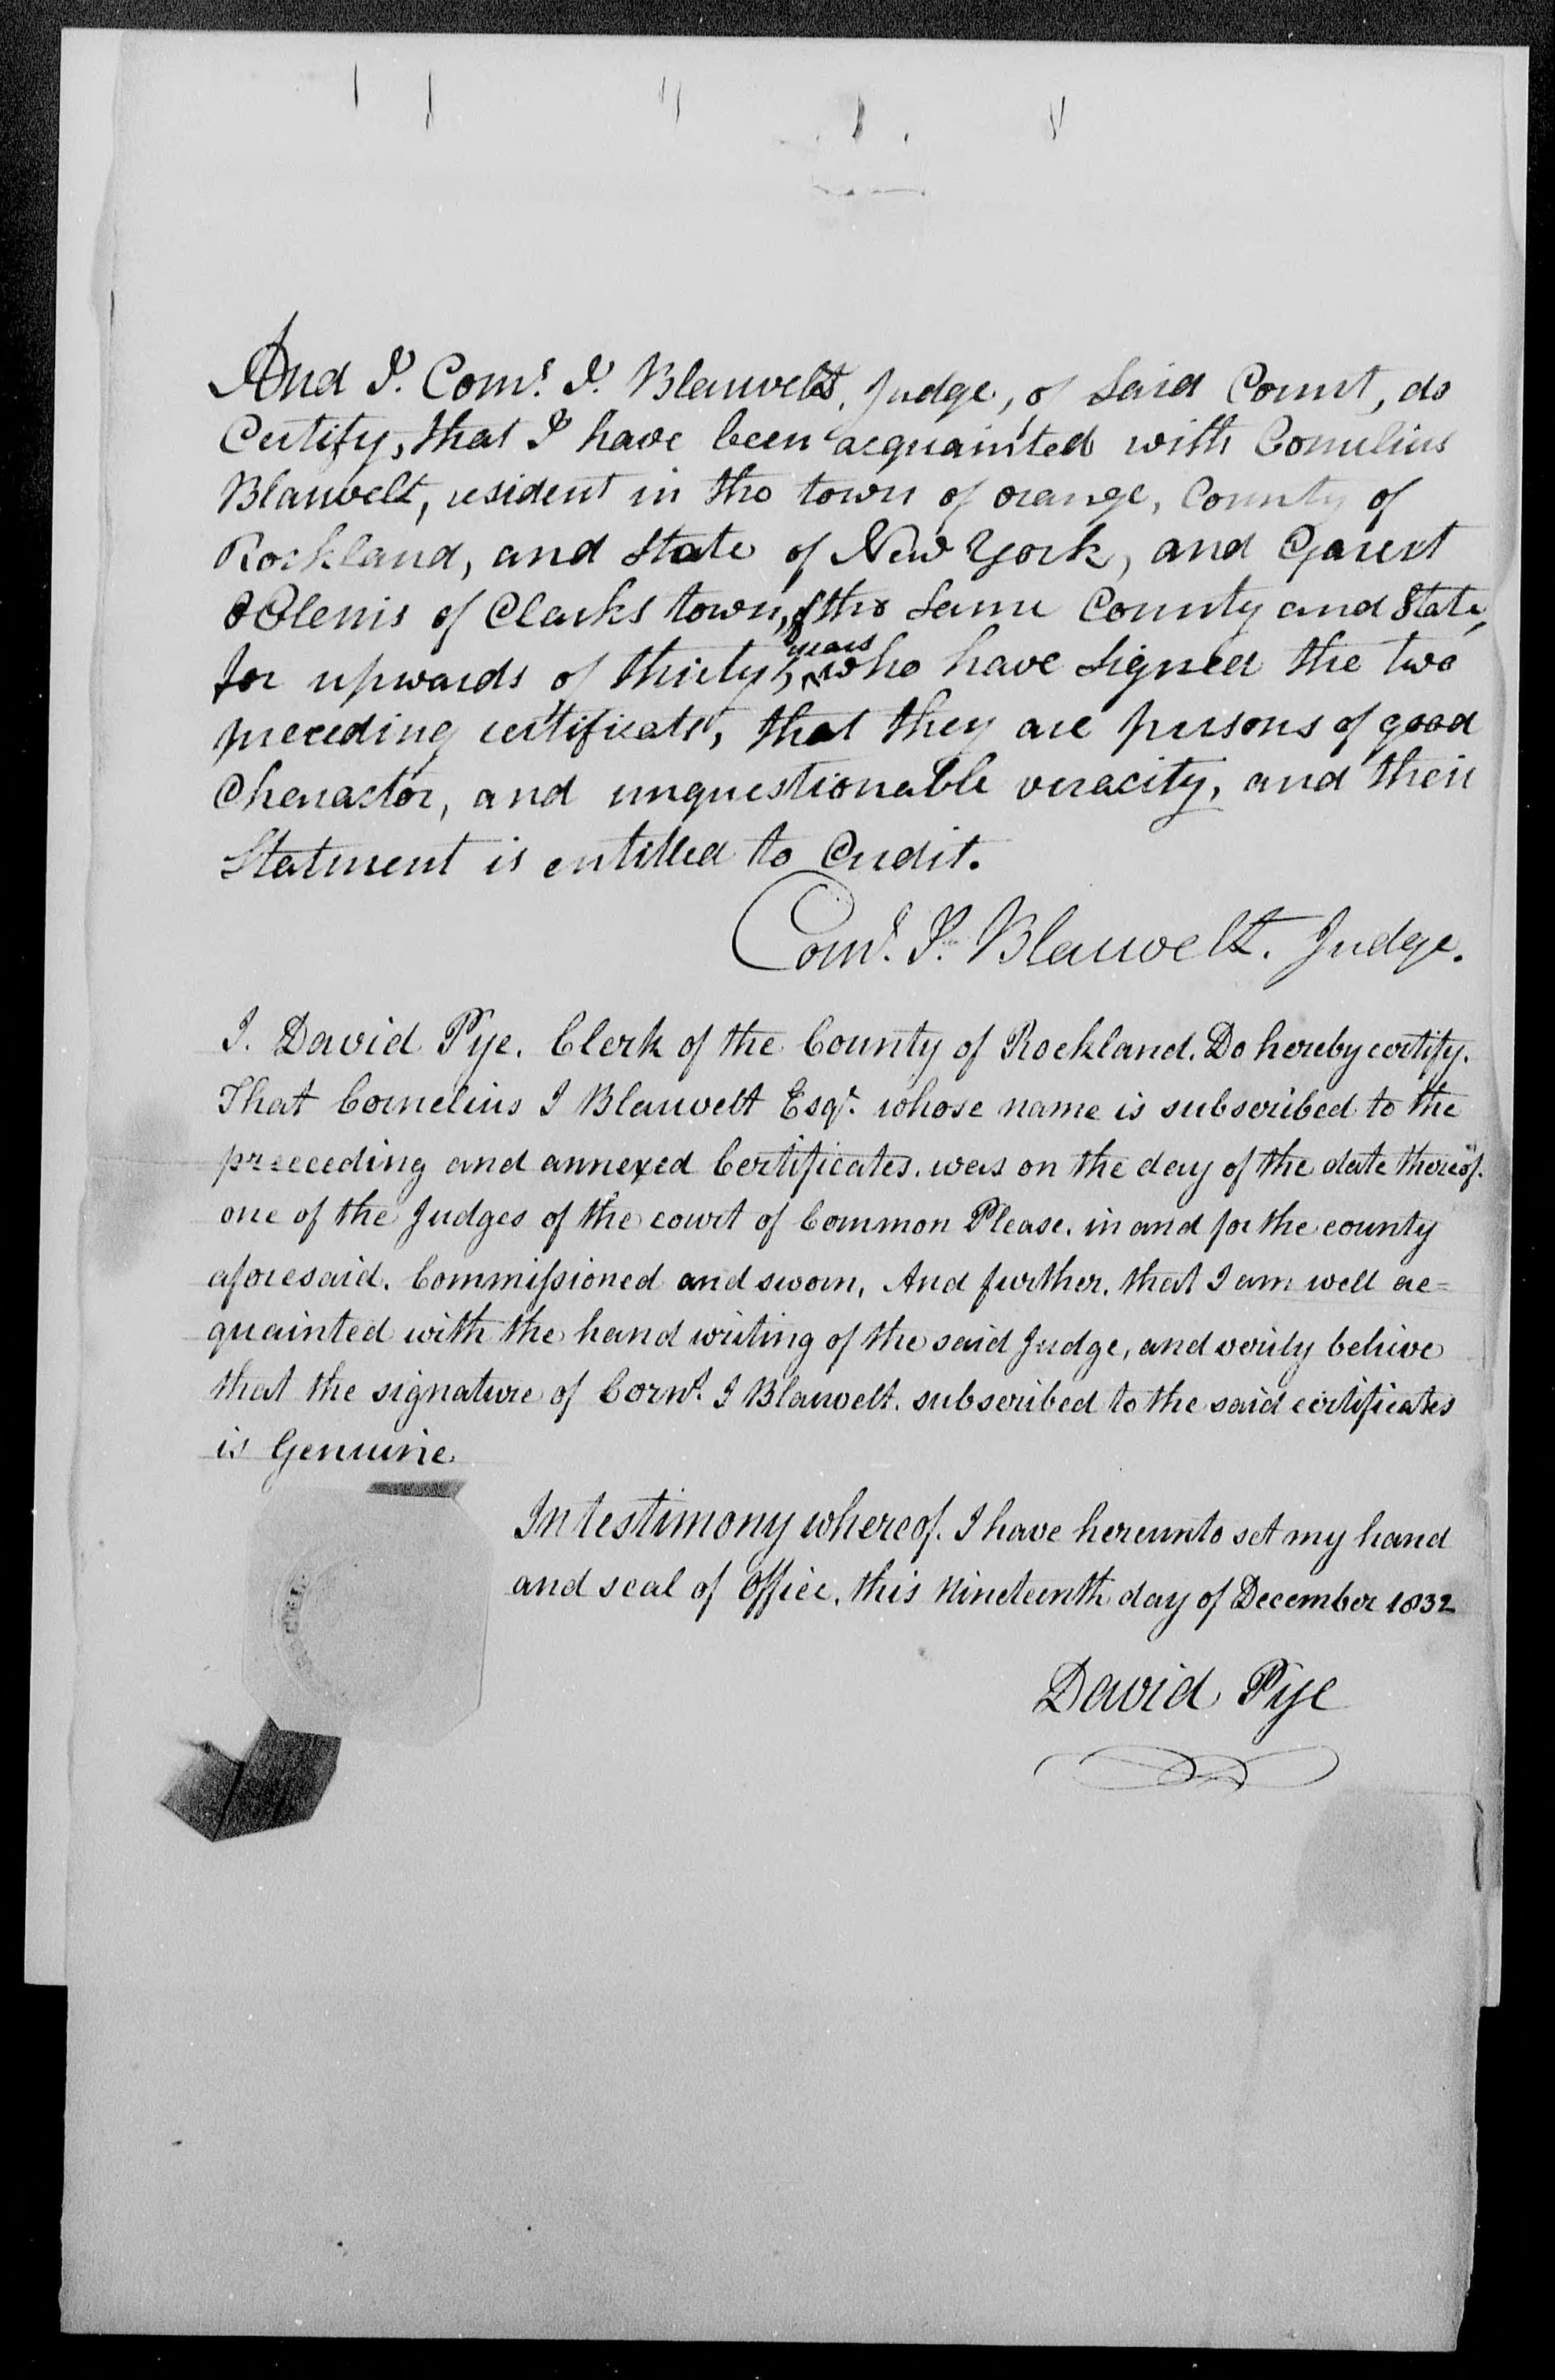And I, Cornl I. Blauvelt, Judge, of said Court, do certify, that I have been acquainted with Cornelius Blauvelt, resident in the town of Orange, County of Rockland, and State of New York, and Garret Oblenis of Clarkstown, of the same County and State, for upwards of thirty years who have signed the two preceding certificates, that they are persons of good character, and unquestionable veracity, and their statement is entitled to Credit.
[Signed] Cornl. I. Blauvelt, Judge.

I, David Pye, Clerk of the County of Rockland, Do hereby certify, that Cornelius I Blauvelt Esq, was on the day of the date thereof, one of the Judges of the court of Common Please, in and for the county aforesaid, Commissioned and sworn, And further, that I am well acquainted with the hand writing of the said Judge, and verily believe that the signature of Cornl. I Blauvelt, subscribed to the said certificates is Genuine.
In testimony whereof, I have herewith set my hand and seal of Office, this nineteenth day of December 1832
[signed] David Pye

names: Corns I Blauvelt, Cornelius I Blauvelt, Corns I Blauvelt, David Pye, Garret Oblenis, Cornelius Blauvelt, David Pye, Corns I Blauvelt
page: 25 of 33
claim: survivor's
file: S. 22,653, Harmanus Blauvelt, New York